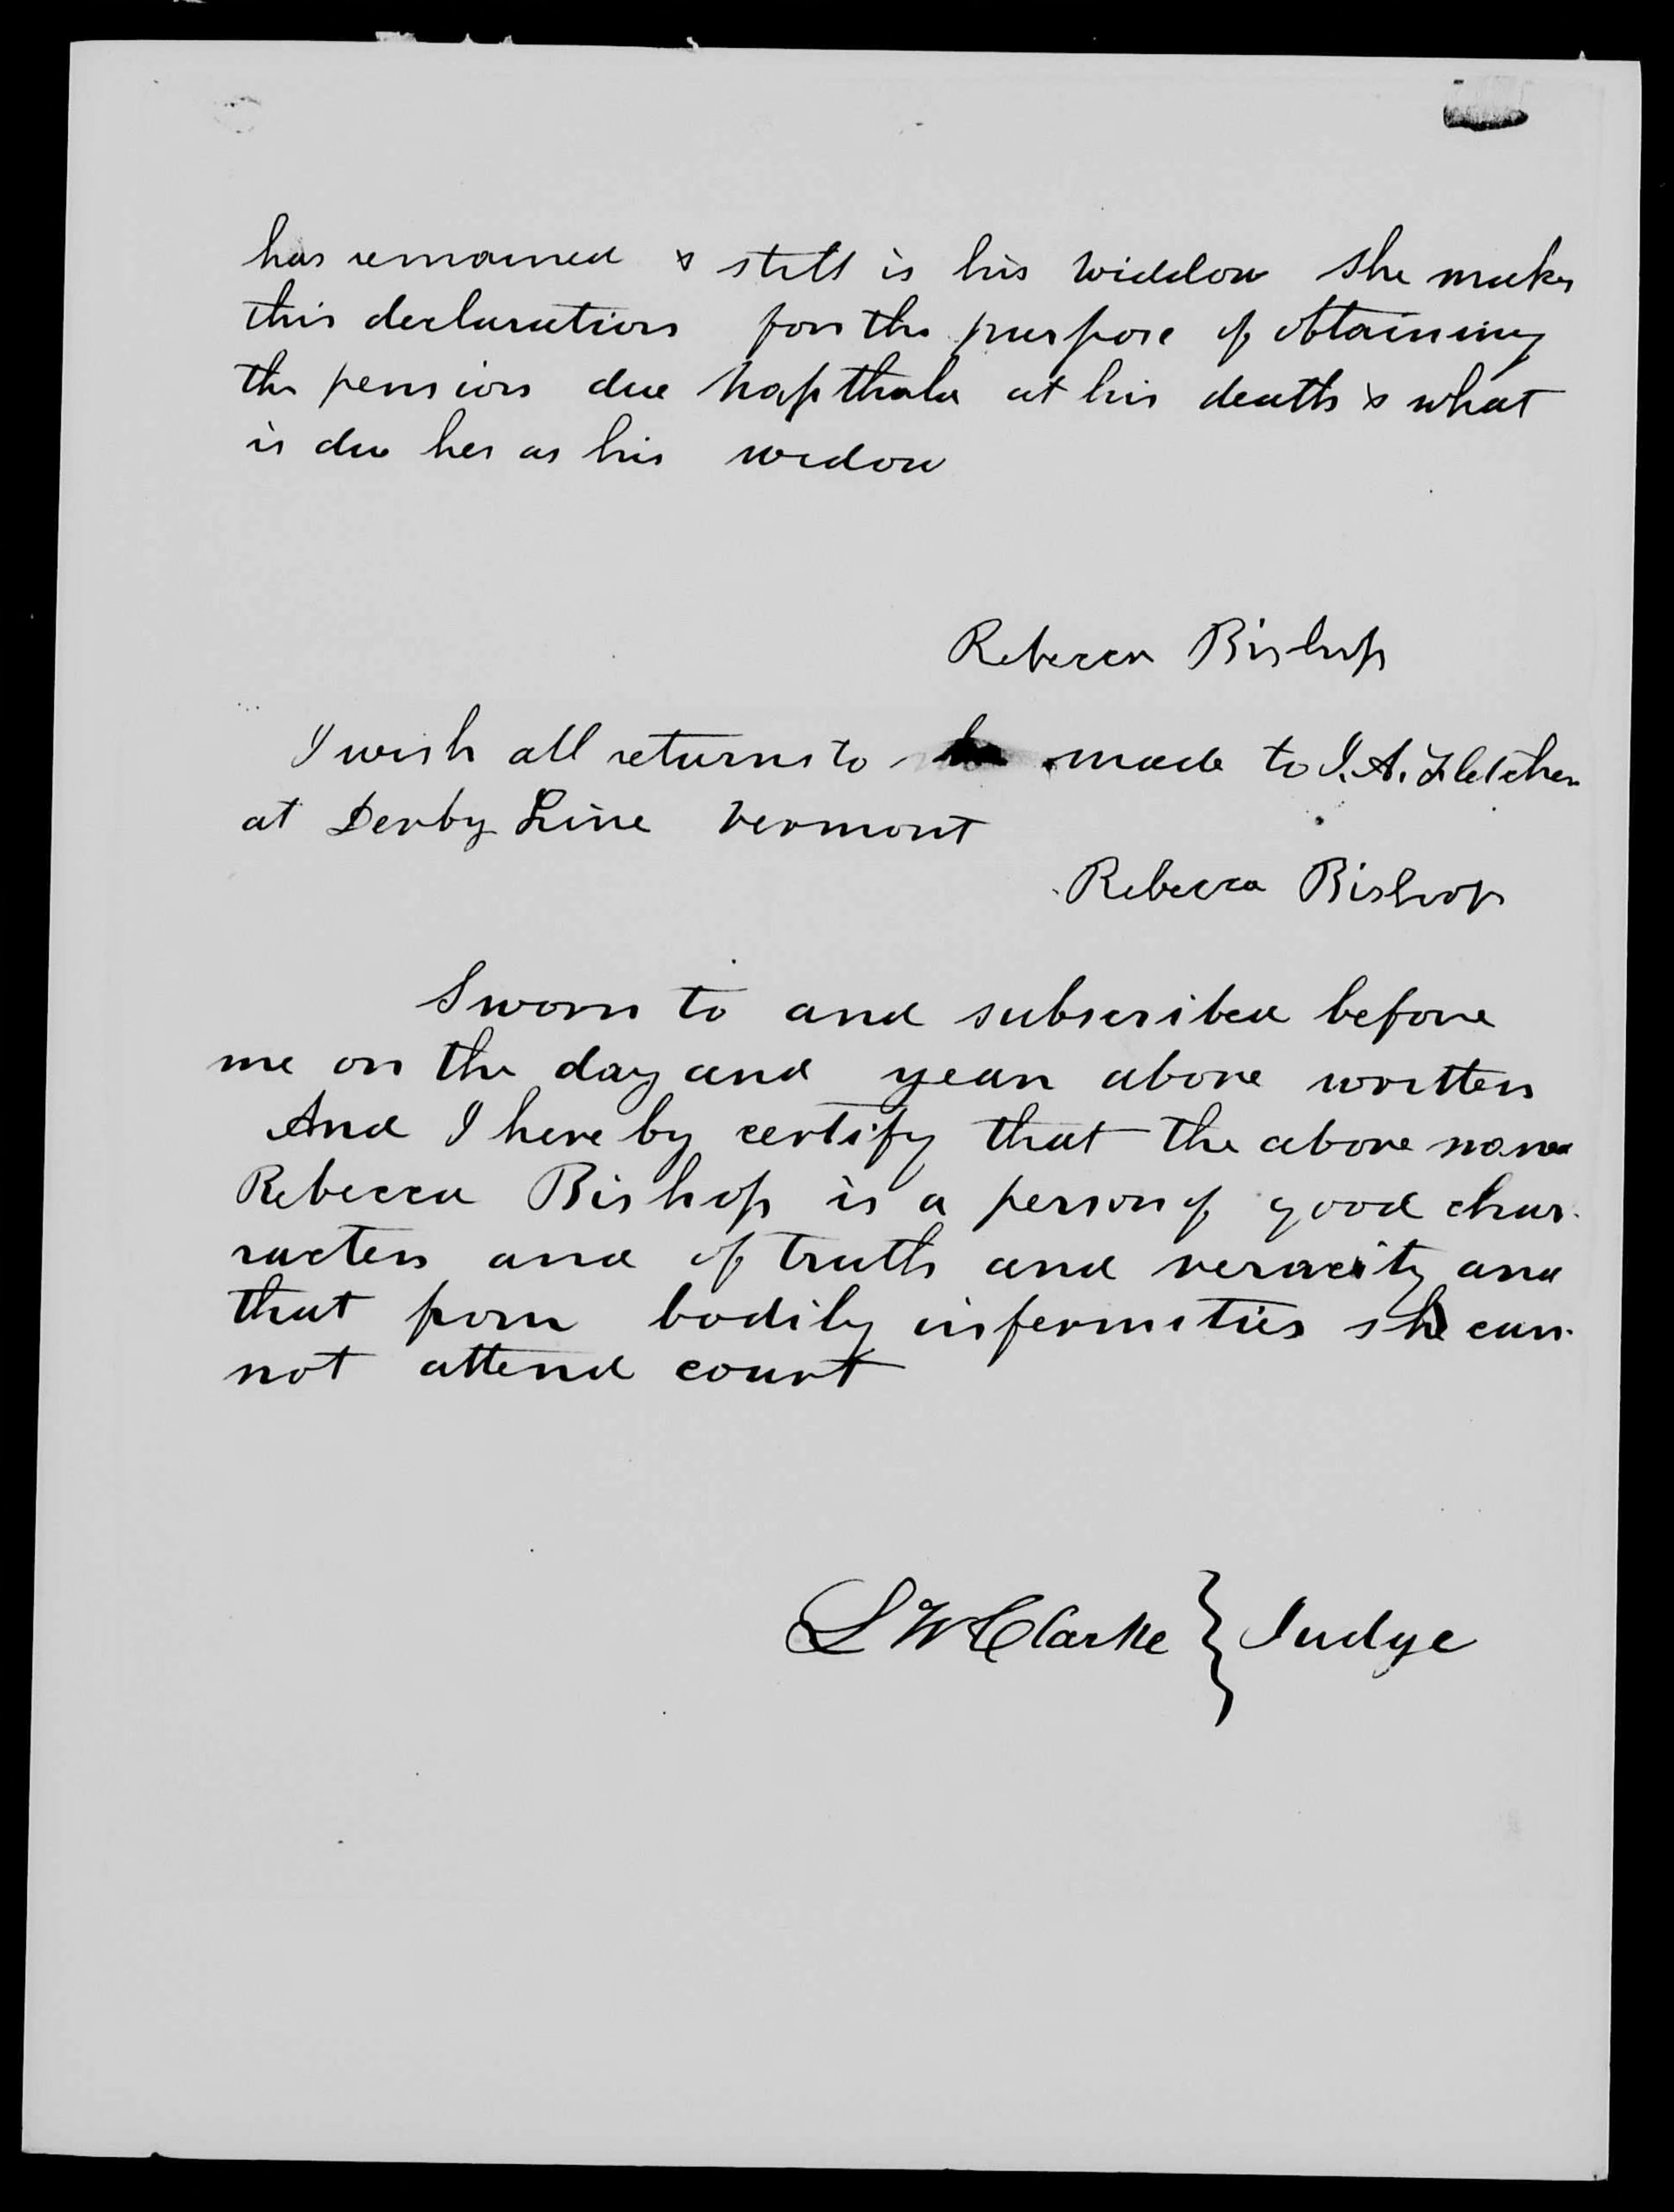has remained and still is his widdow  she makes this declaration for the purpose of obtaining the pension due Napthala at his death & what is due her as his widow
Rebecca Bishop
I wish all returns to be made to J. A. Fletcher at Derby Line Vermont
Rebecca Bishop
Sworn to and subscribed before me on the day and year above written  An I hereby certify that the above named Rebecca Bishop is a person of good character and of truth and veracity and that from bodily infirmities she cannot attend court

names: Rebecca Bishop, Rebecca Bishop, J A Fletcher, Rebecca Bishop, L W Clarke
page: 4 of 27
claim: rejected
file: R. 865, Napthala Bishop, Vt.